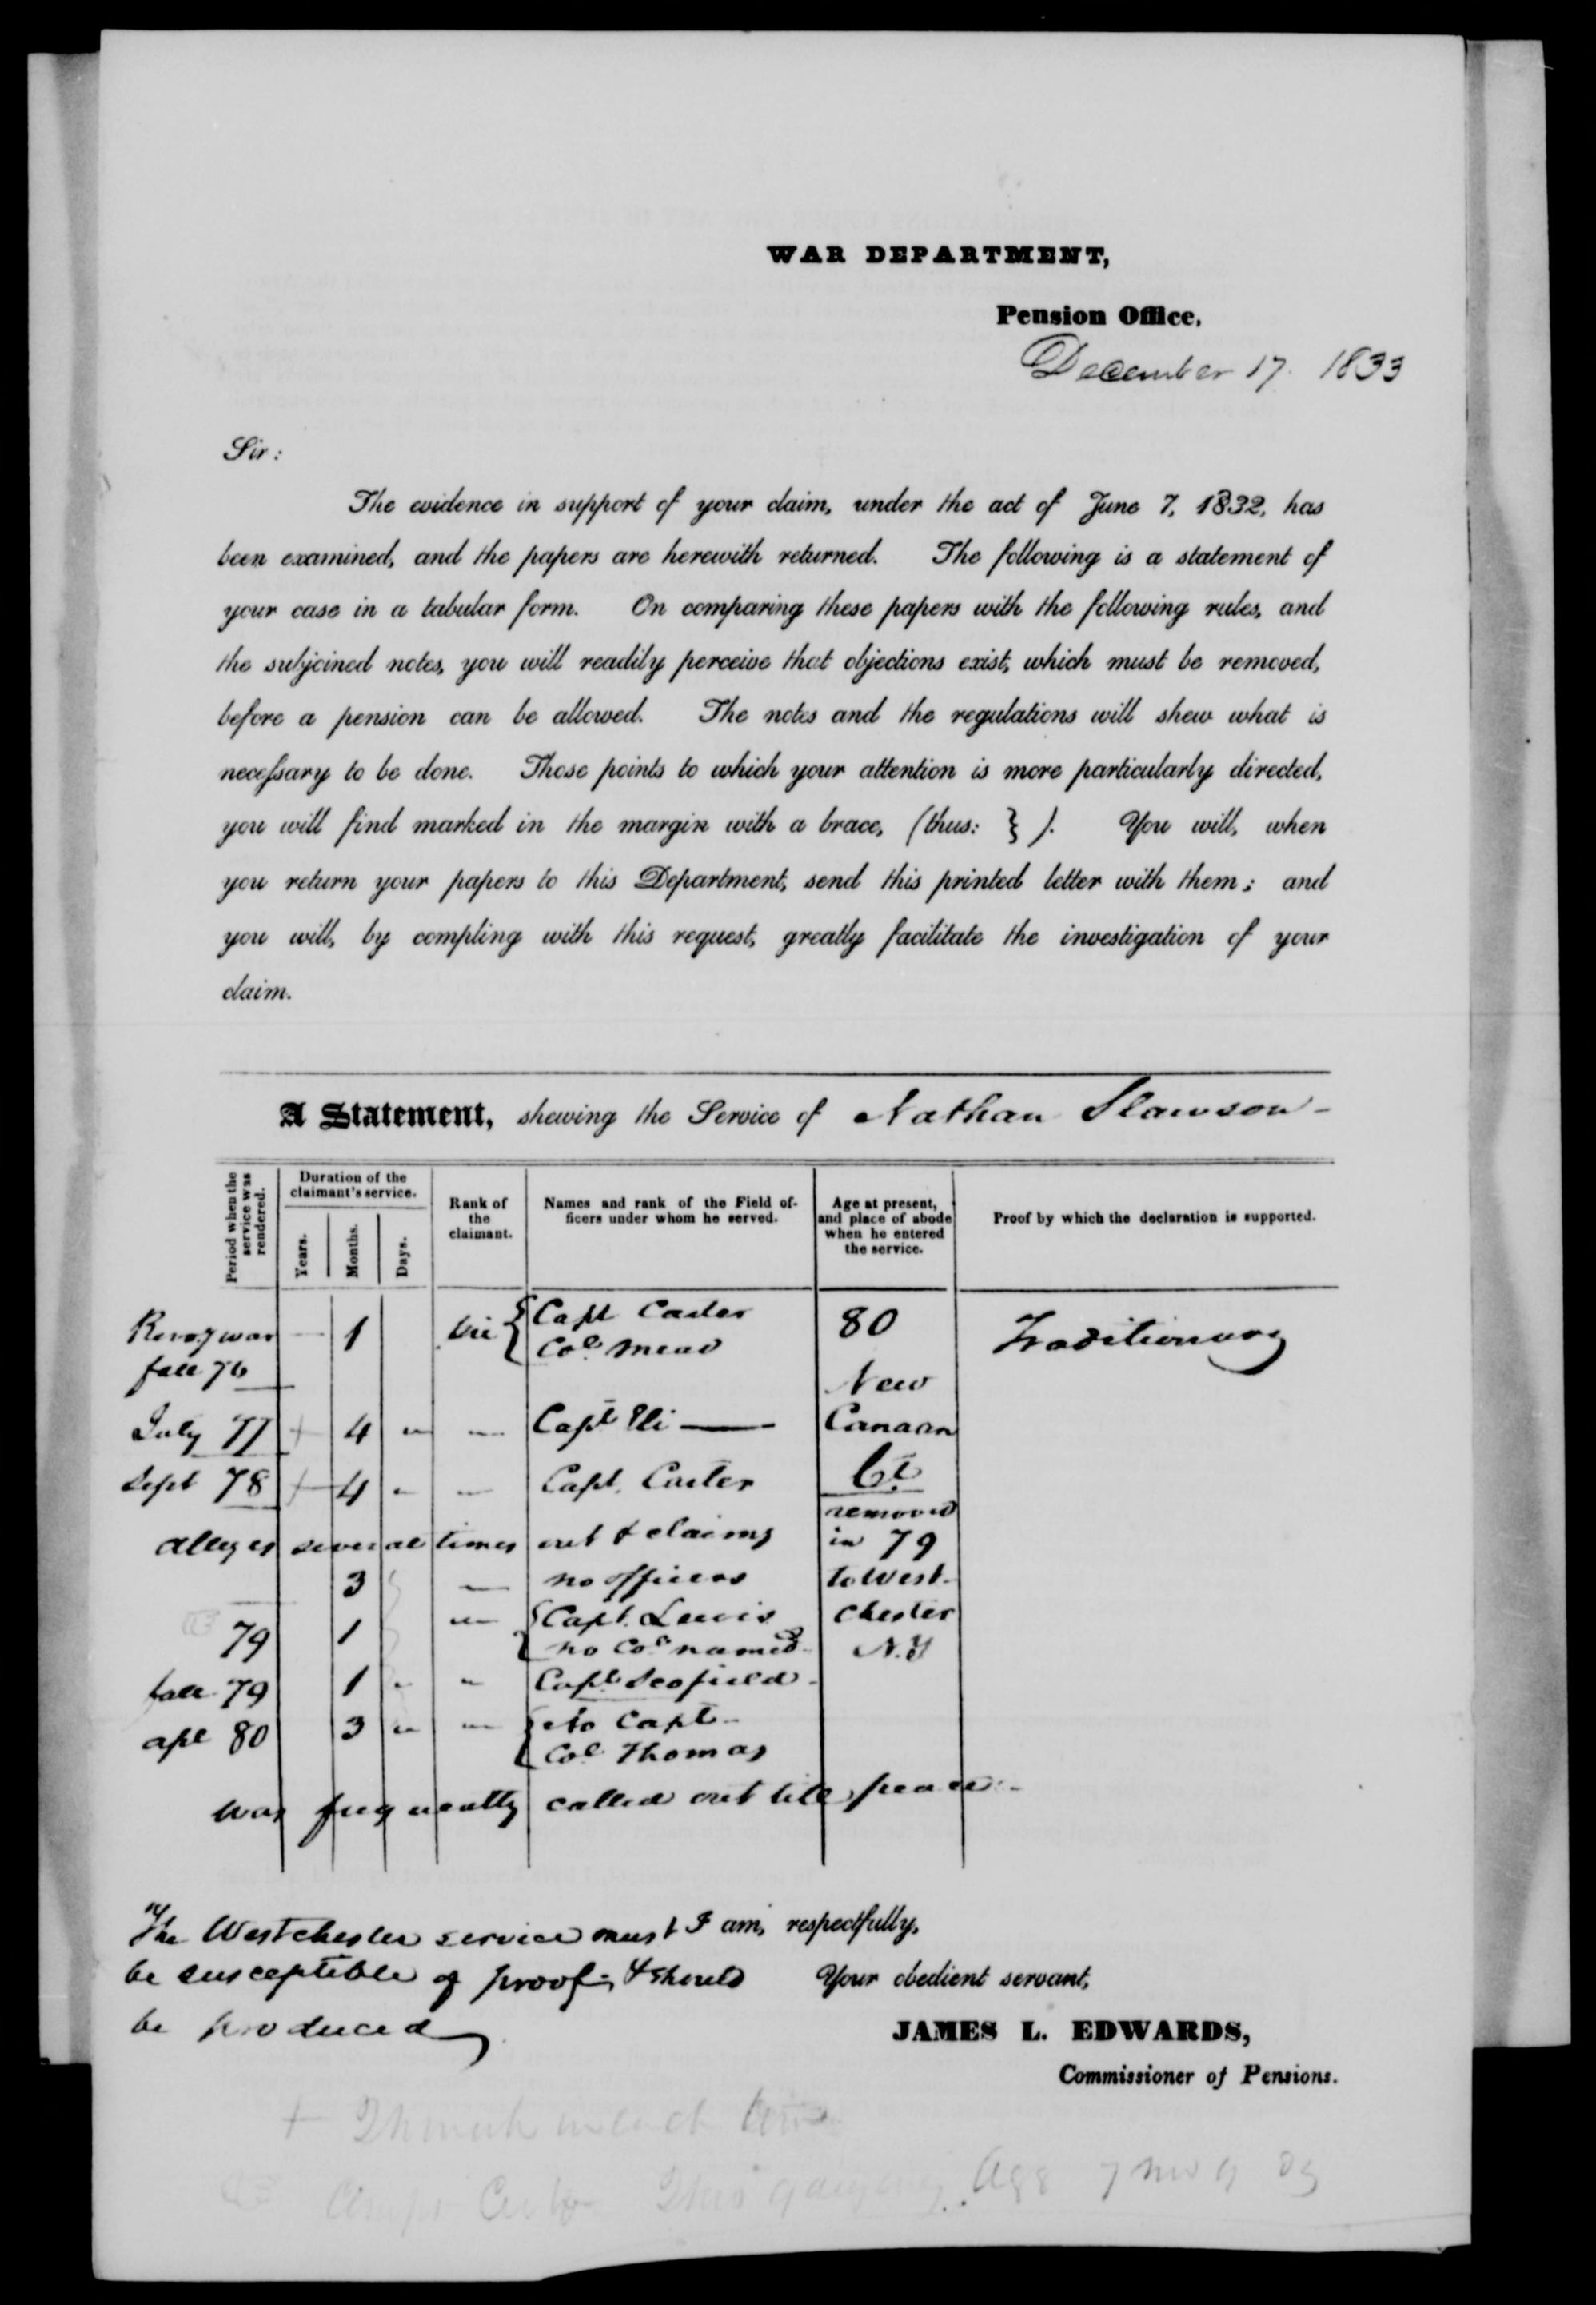WAR DEPARTMENT 
Pension Office, 
December 17, 1833
Sir. 
The evidence in support of your claim, under the act of June 7, 1832, has been examined, and the papers are herewith returned. The following is a statement of your case in a tabular form. On comparing these papers with the following rules and the subjoined notes, you will readily perceive that objections exist, which must be removed before a pension can be allowed. the notes and the regulations will shew what is necessary to be done. Those points to which your attention is more particularly directed, you will find marked in the margin with a brace, (thus: }). You will, when you return your papers to this Department, send this printed letter with them; and you will, by compling with this request greatly facilitate the investigation of your claim. 
Statement, showing the Service of Nathan Slawson
Period when the service was rendered.  Revy War fall 76  Duration of Claimant’s Service.  1 Month   Rank of claimant.  pri Names and rank of the Officers under whom he served.  Capt Carter  Colonel Mead   Age at present and place of abode when he entered the service.   80  New Canaan Ct.  removed in 79 to Westchester N. Y.   Proof by which the declaration is supported.   Traditionary
Period when the service was rendered. July 77   Duration of Claimant’s Service.   4 Months   Rank of claimant.  Pri    Names and rank of the Officers under whom he served.  Capt Eli  
Period when the service was rendered.  Sept 78   Duration of Claimant’s Service.  4 months   Rank of claimant.   Pri  Names and rank of the Officers under whom he served.   Capt Carter
Alleges several times out & claims 3 Months no officers
Period when the service was rendered.  79   Duration of Claimant’s Service.  1 Month   Rank of claimant. pri    Names and rank of the Officers under whom he served.   Capt Lewis No Col Named
Period when the service was rendered.   Fall 79   Duration of Claimant’s Service.  1 month   Rank of claimant.   Pri   Names and rank of the Officers under whom he served.   Capt Scofield
Period when the service was rendered.  Apl 80  Duration of Claimant’s Service.  3 months  Rank of claimant. Pri  Names and rank of the Officers under whom he served.   No Capt.,  Col Thomas
Was frequently called out til peace
I am respectfully 
Your obedient servant 
JAMES L. EDWARDS, 
Commissioner of Pensions.
The Westchester service must be susceptible of proof & should be produced
[unreadable]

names: [BLANK] Lewis; Nathan Slawson; James L Edwards; [BLANK] Mead; [BLANK] Carter; [BLANK] Thomas; [BLANK] Carter; Eli [BLANK]; [BLANK] Scofield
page: 26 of 87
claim: widow's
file: W. 22,226, for Nathan Slawson, Connecticut